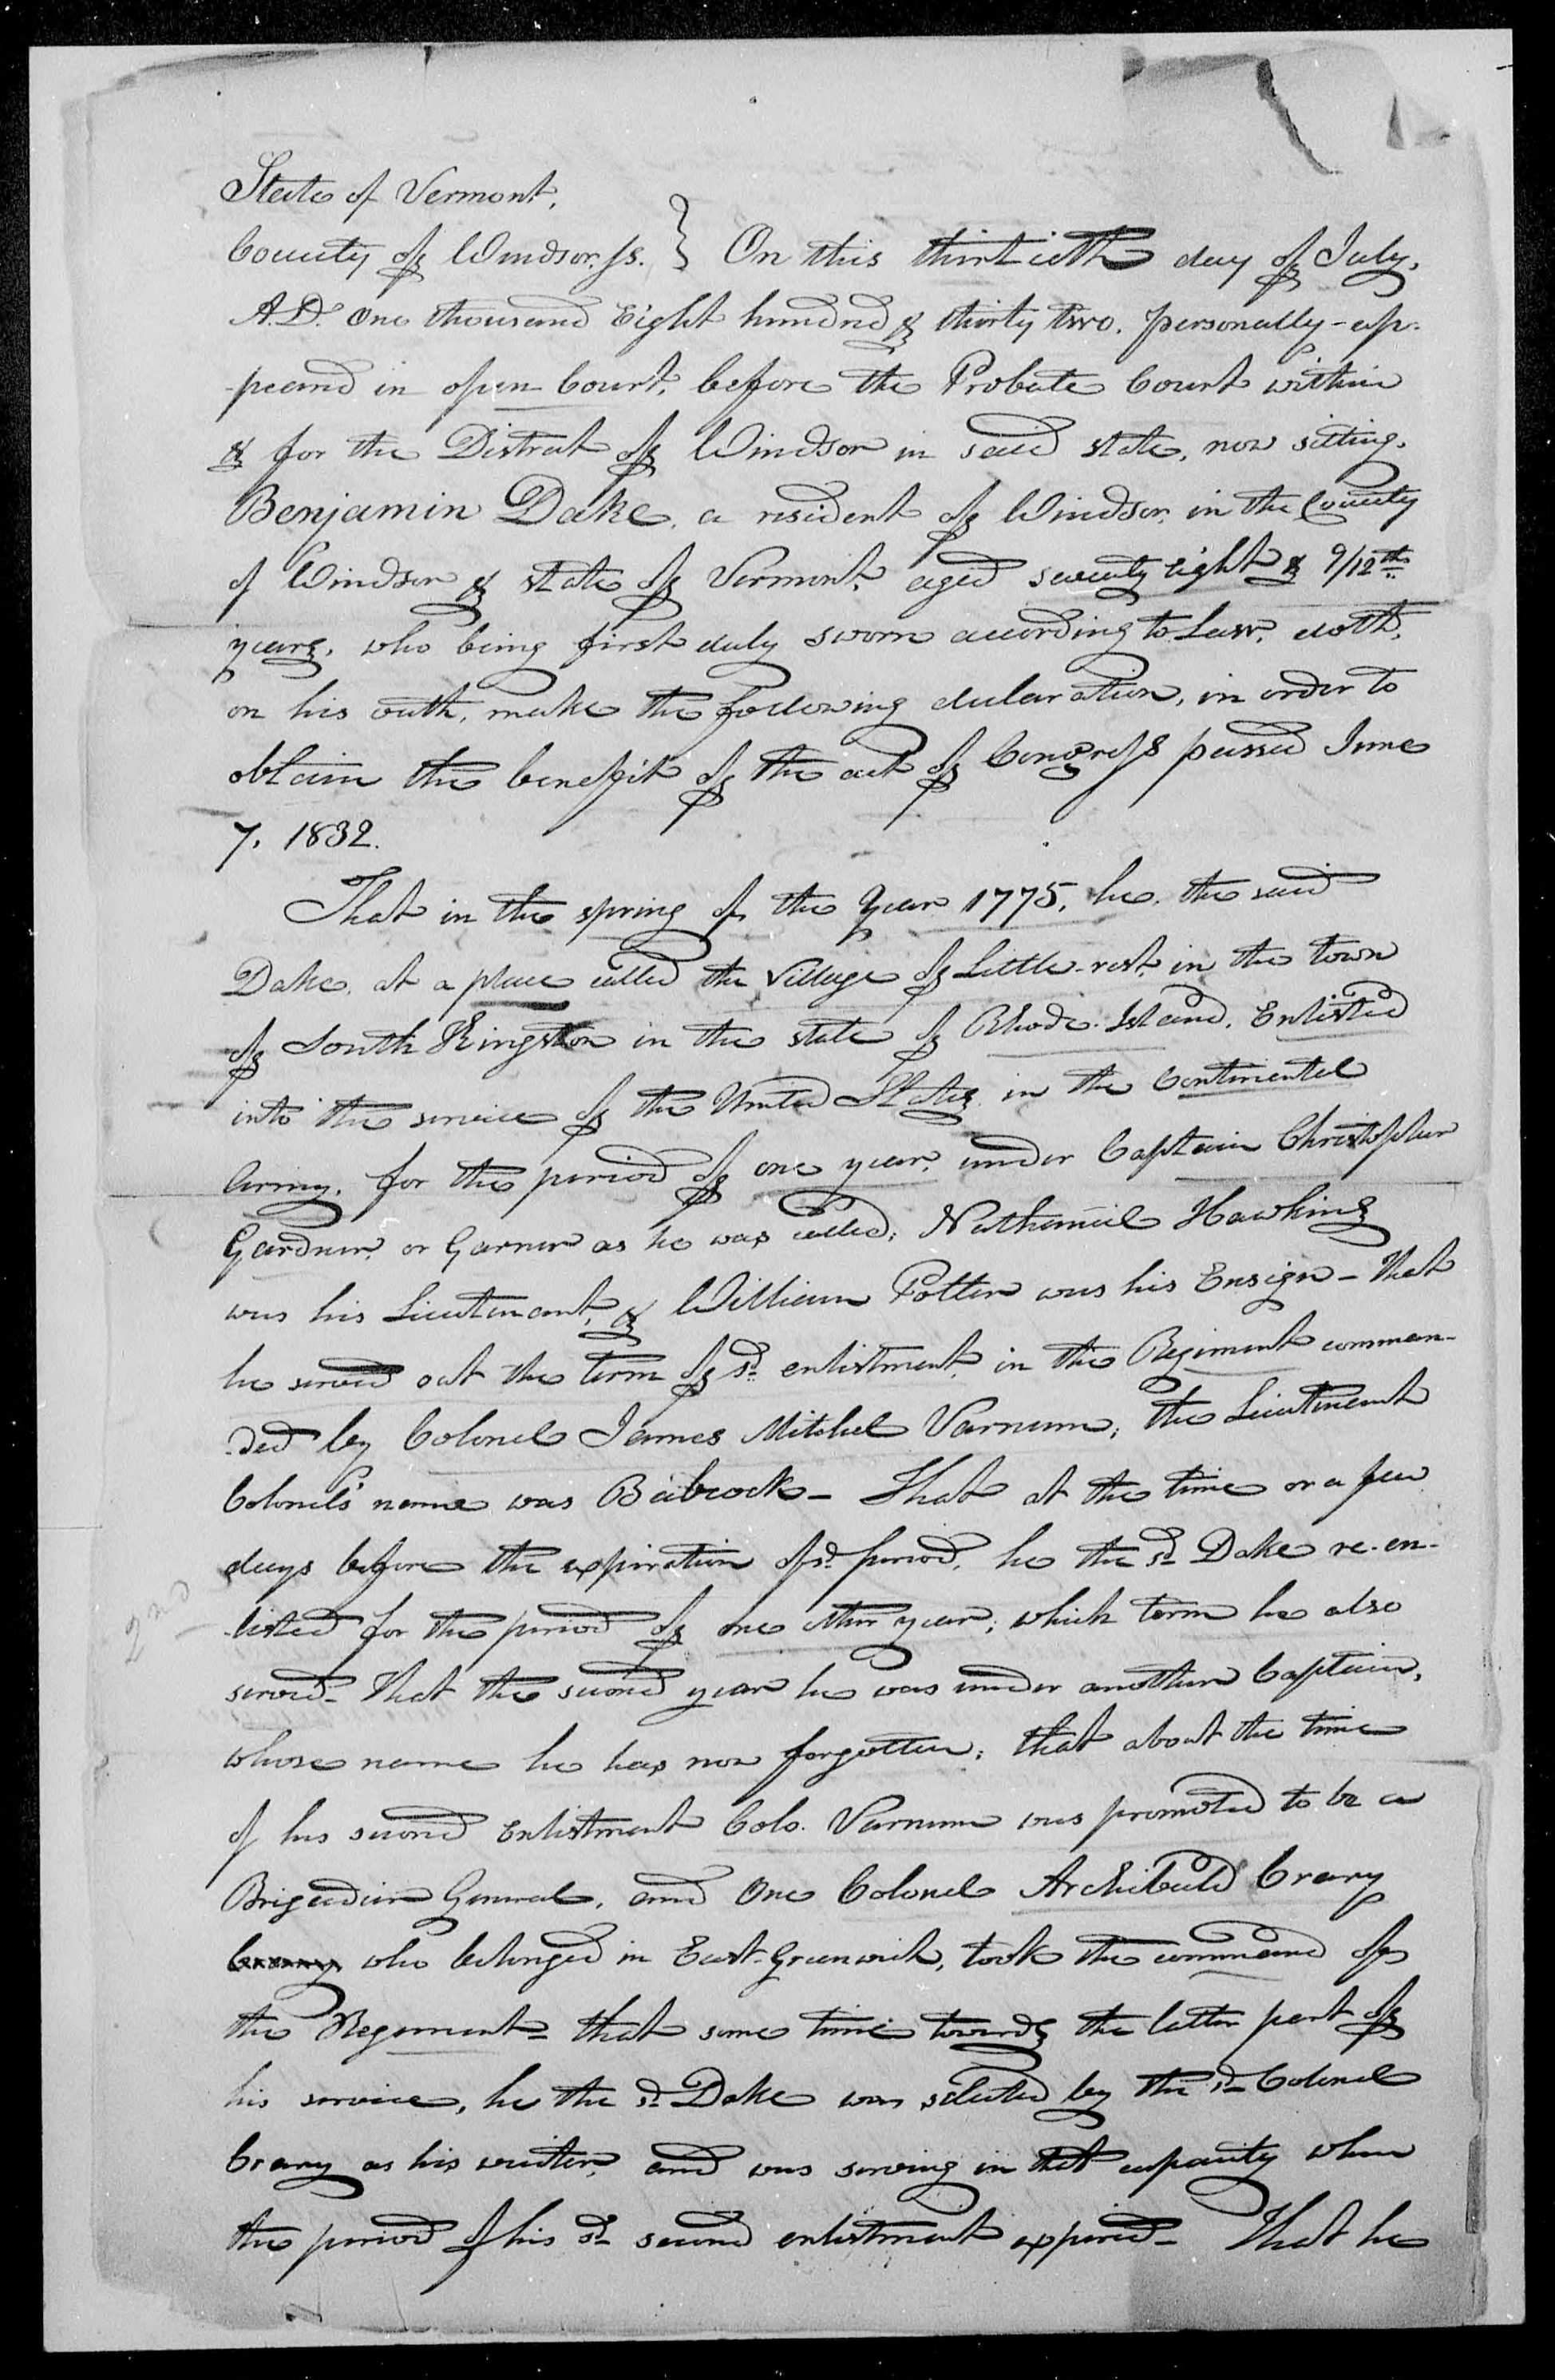State of Vermont
County of Windsor Js

On this thirtieth day of July A.D. one thousand eight hundred & thirty two. Personally appeared in open court, before the Probate Court within & for the District of Windsor in said state, now sitting, Benjamin Drake, a resident of Windsor in the county of Windsor & state of Vermont aged seventy eight & 9/12ths years, who being first duly sworn according to law doth on his oath make the following declaration, in order to obtain the benefit of the act of Congress passed June 7, 1832.

That in the spring of the year 1775, he this said Dake of at a place called the Village of  Little Rest in the town of South Kingston in the state of Rhode Island enlisted into the service of the United States in the Continental Army for the period of one year under Captain Christopher Gardiner or Garner as he as called. Nathaniel Hawkins was his Lieutenant & William Patton was his Ensign. That he served out the time of his enlistment in this Regument commanded by Colonel James Mitchell Varnum, the Lieutenant Colonels' name was Babcock. That at the time or a few days before the expiration of period he the sd Dake reenlisted for this period  of one more year which term he also served. That this same year he was under another captain whose name he has now forgotten. That about the time of his second enlistment Cols. Varnum was promoted to be a Brigadier General and one Colonel Archibald Crary who belonged in East Greenwich took command of the regiment that same time towards the latter part of his services he the sd Dake was selected by the Colonel Crary as his waiter and was serving in that capacity when this period of his second enlistment expired. That he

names: Benjamin Dake, Christopher Gardner, Dake, Dake, Archibald Crary, Christopher Garner, Nathaniel Hawkins, Dake, Varnum, James Mitchel Varnum, Crary, William Potter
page: 2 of 42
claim: rejected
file: R. 2,625, Benjamin Dake, R.I.